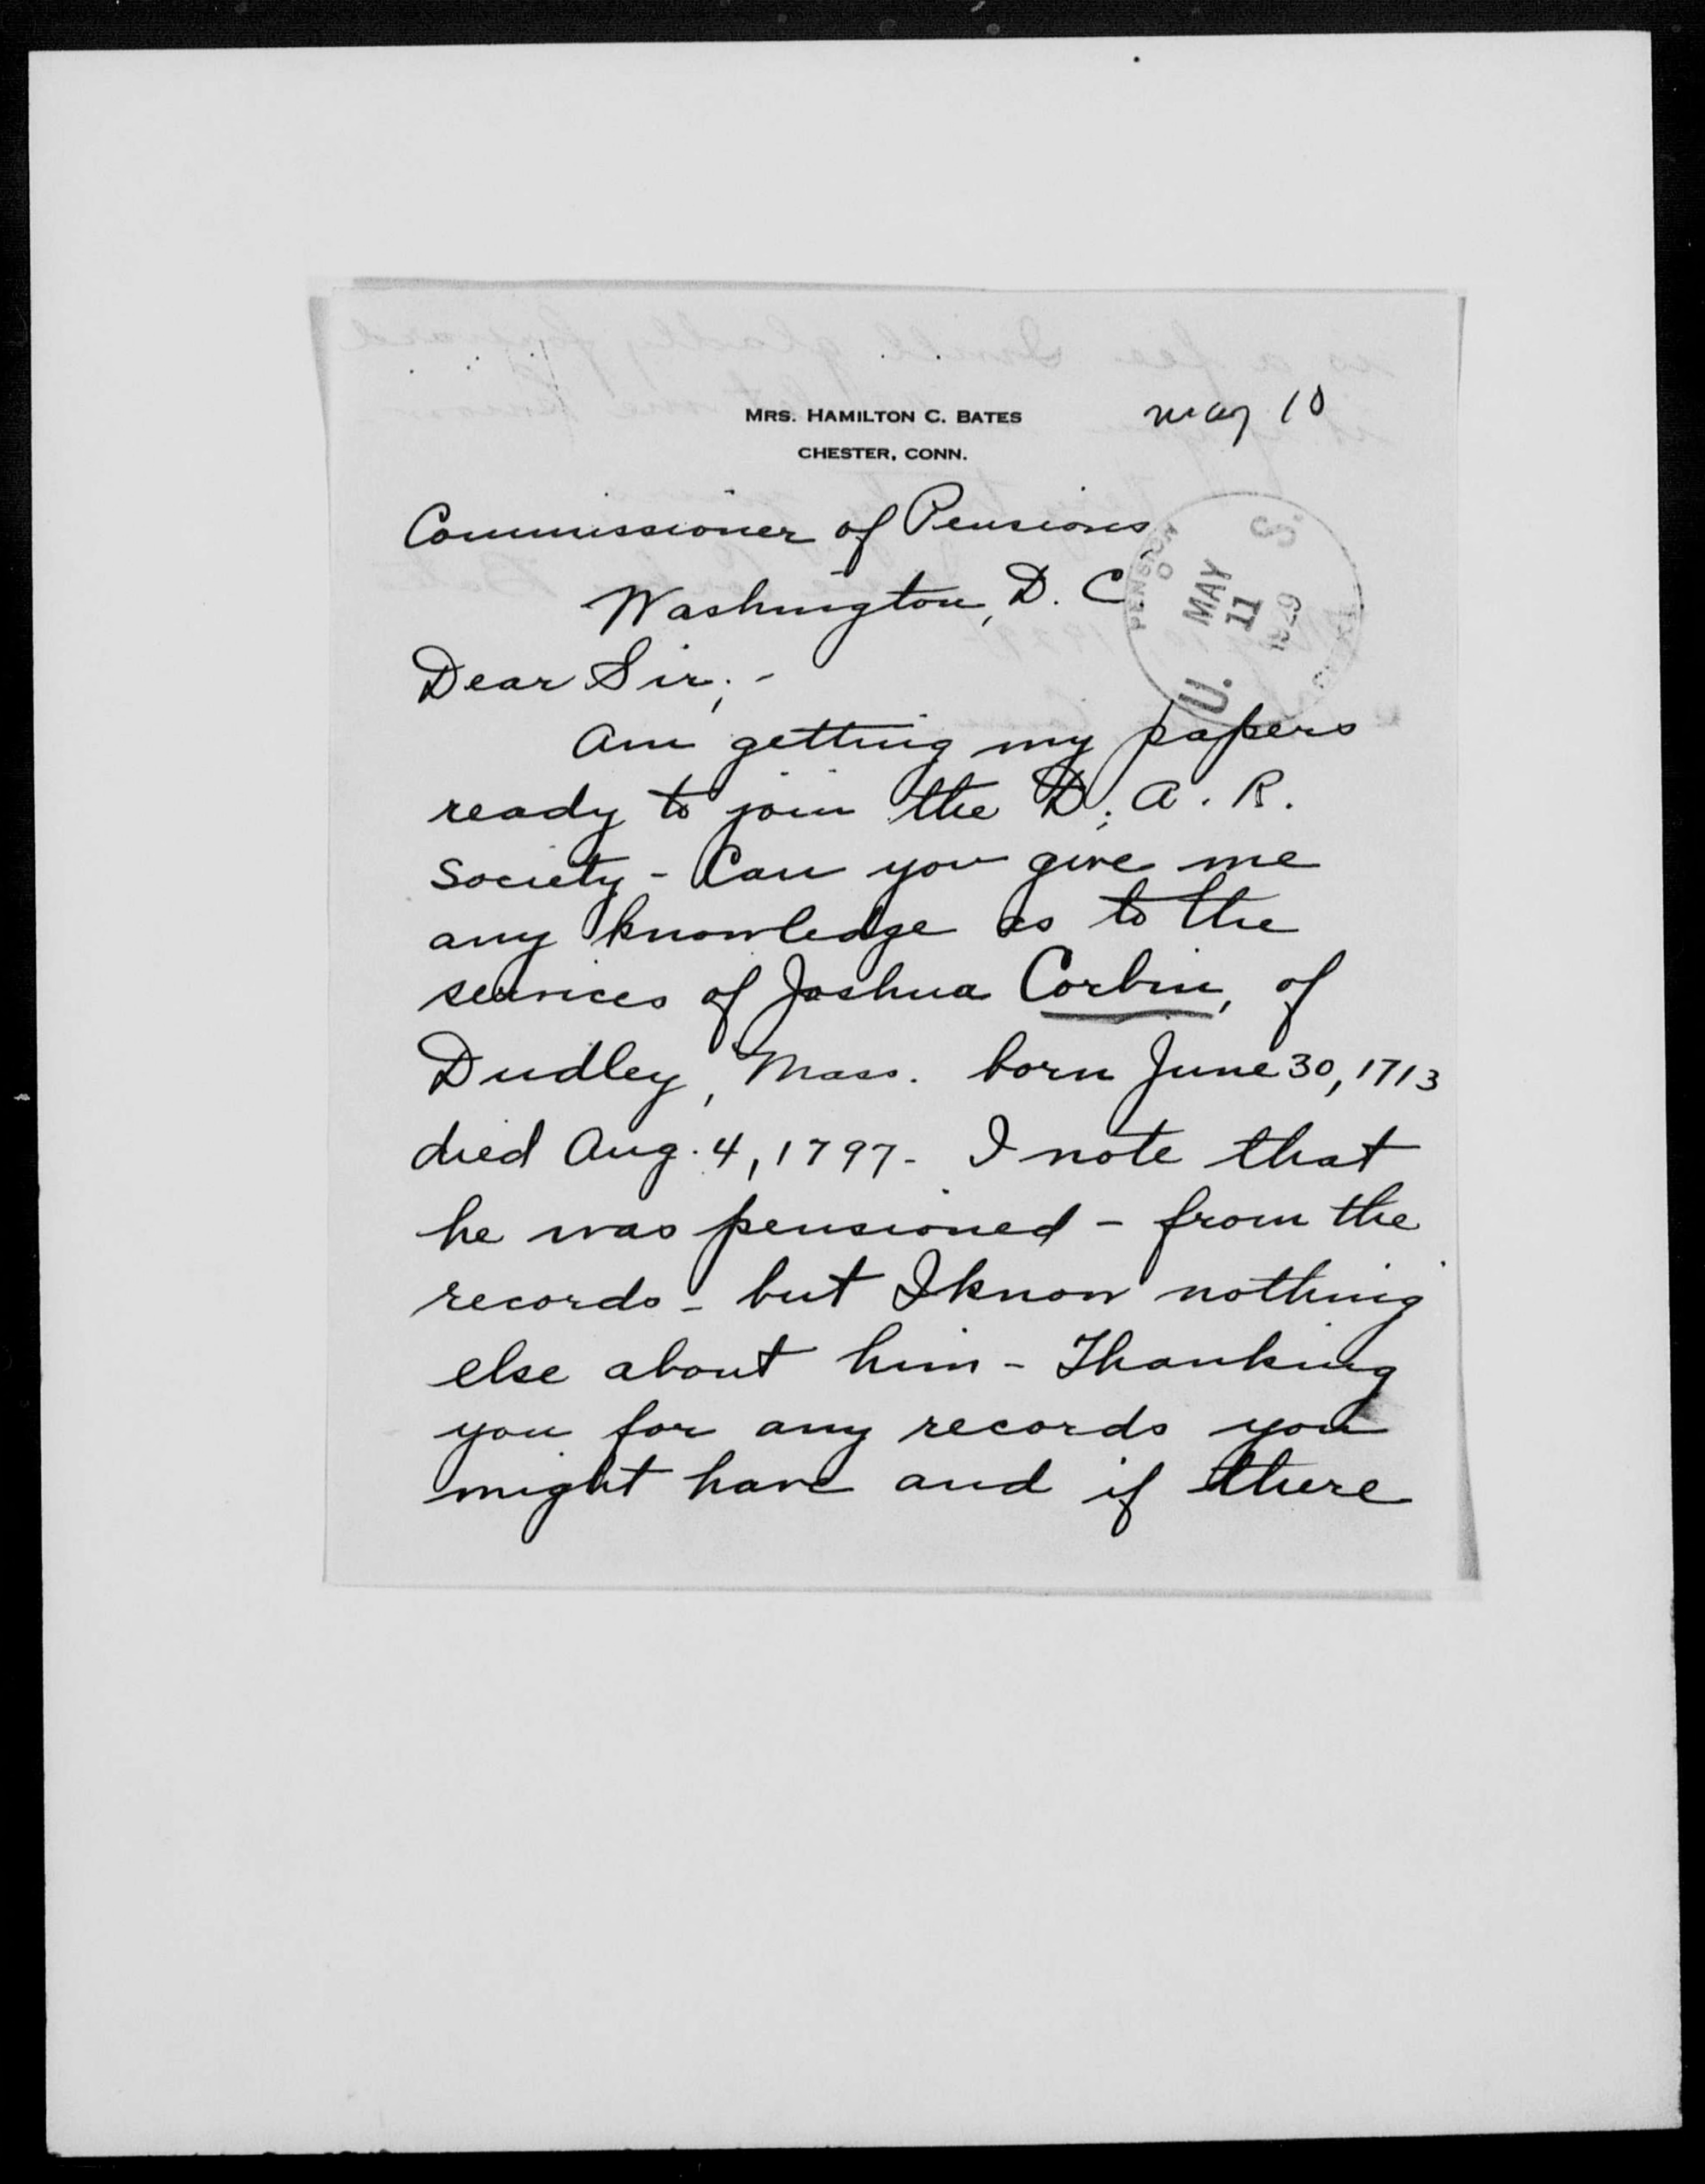Mrs. Hamilton C. Bates
Chester, Conn.

Commissioner of Pensions
Washington, DC

Dear Sir,
Am getting my papers ready to join the D A R Society - Can you give me any knowledge as to the services of Joshua Corbin, of Dudley, Mass. born June 30, 1713 died Aug 4, 1797. I note that he was pensioned - from the records - but I know nothing else about him - Thanking you for any records you might have and if there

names: Joshua Corbin, Hamilton C Bates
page: 17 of 34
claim: survivor's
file: S. 12581, Joshua Corbin, Mass.